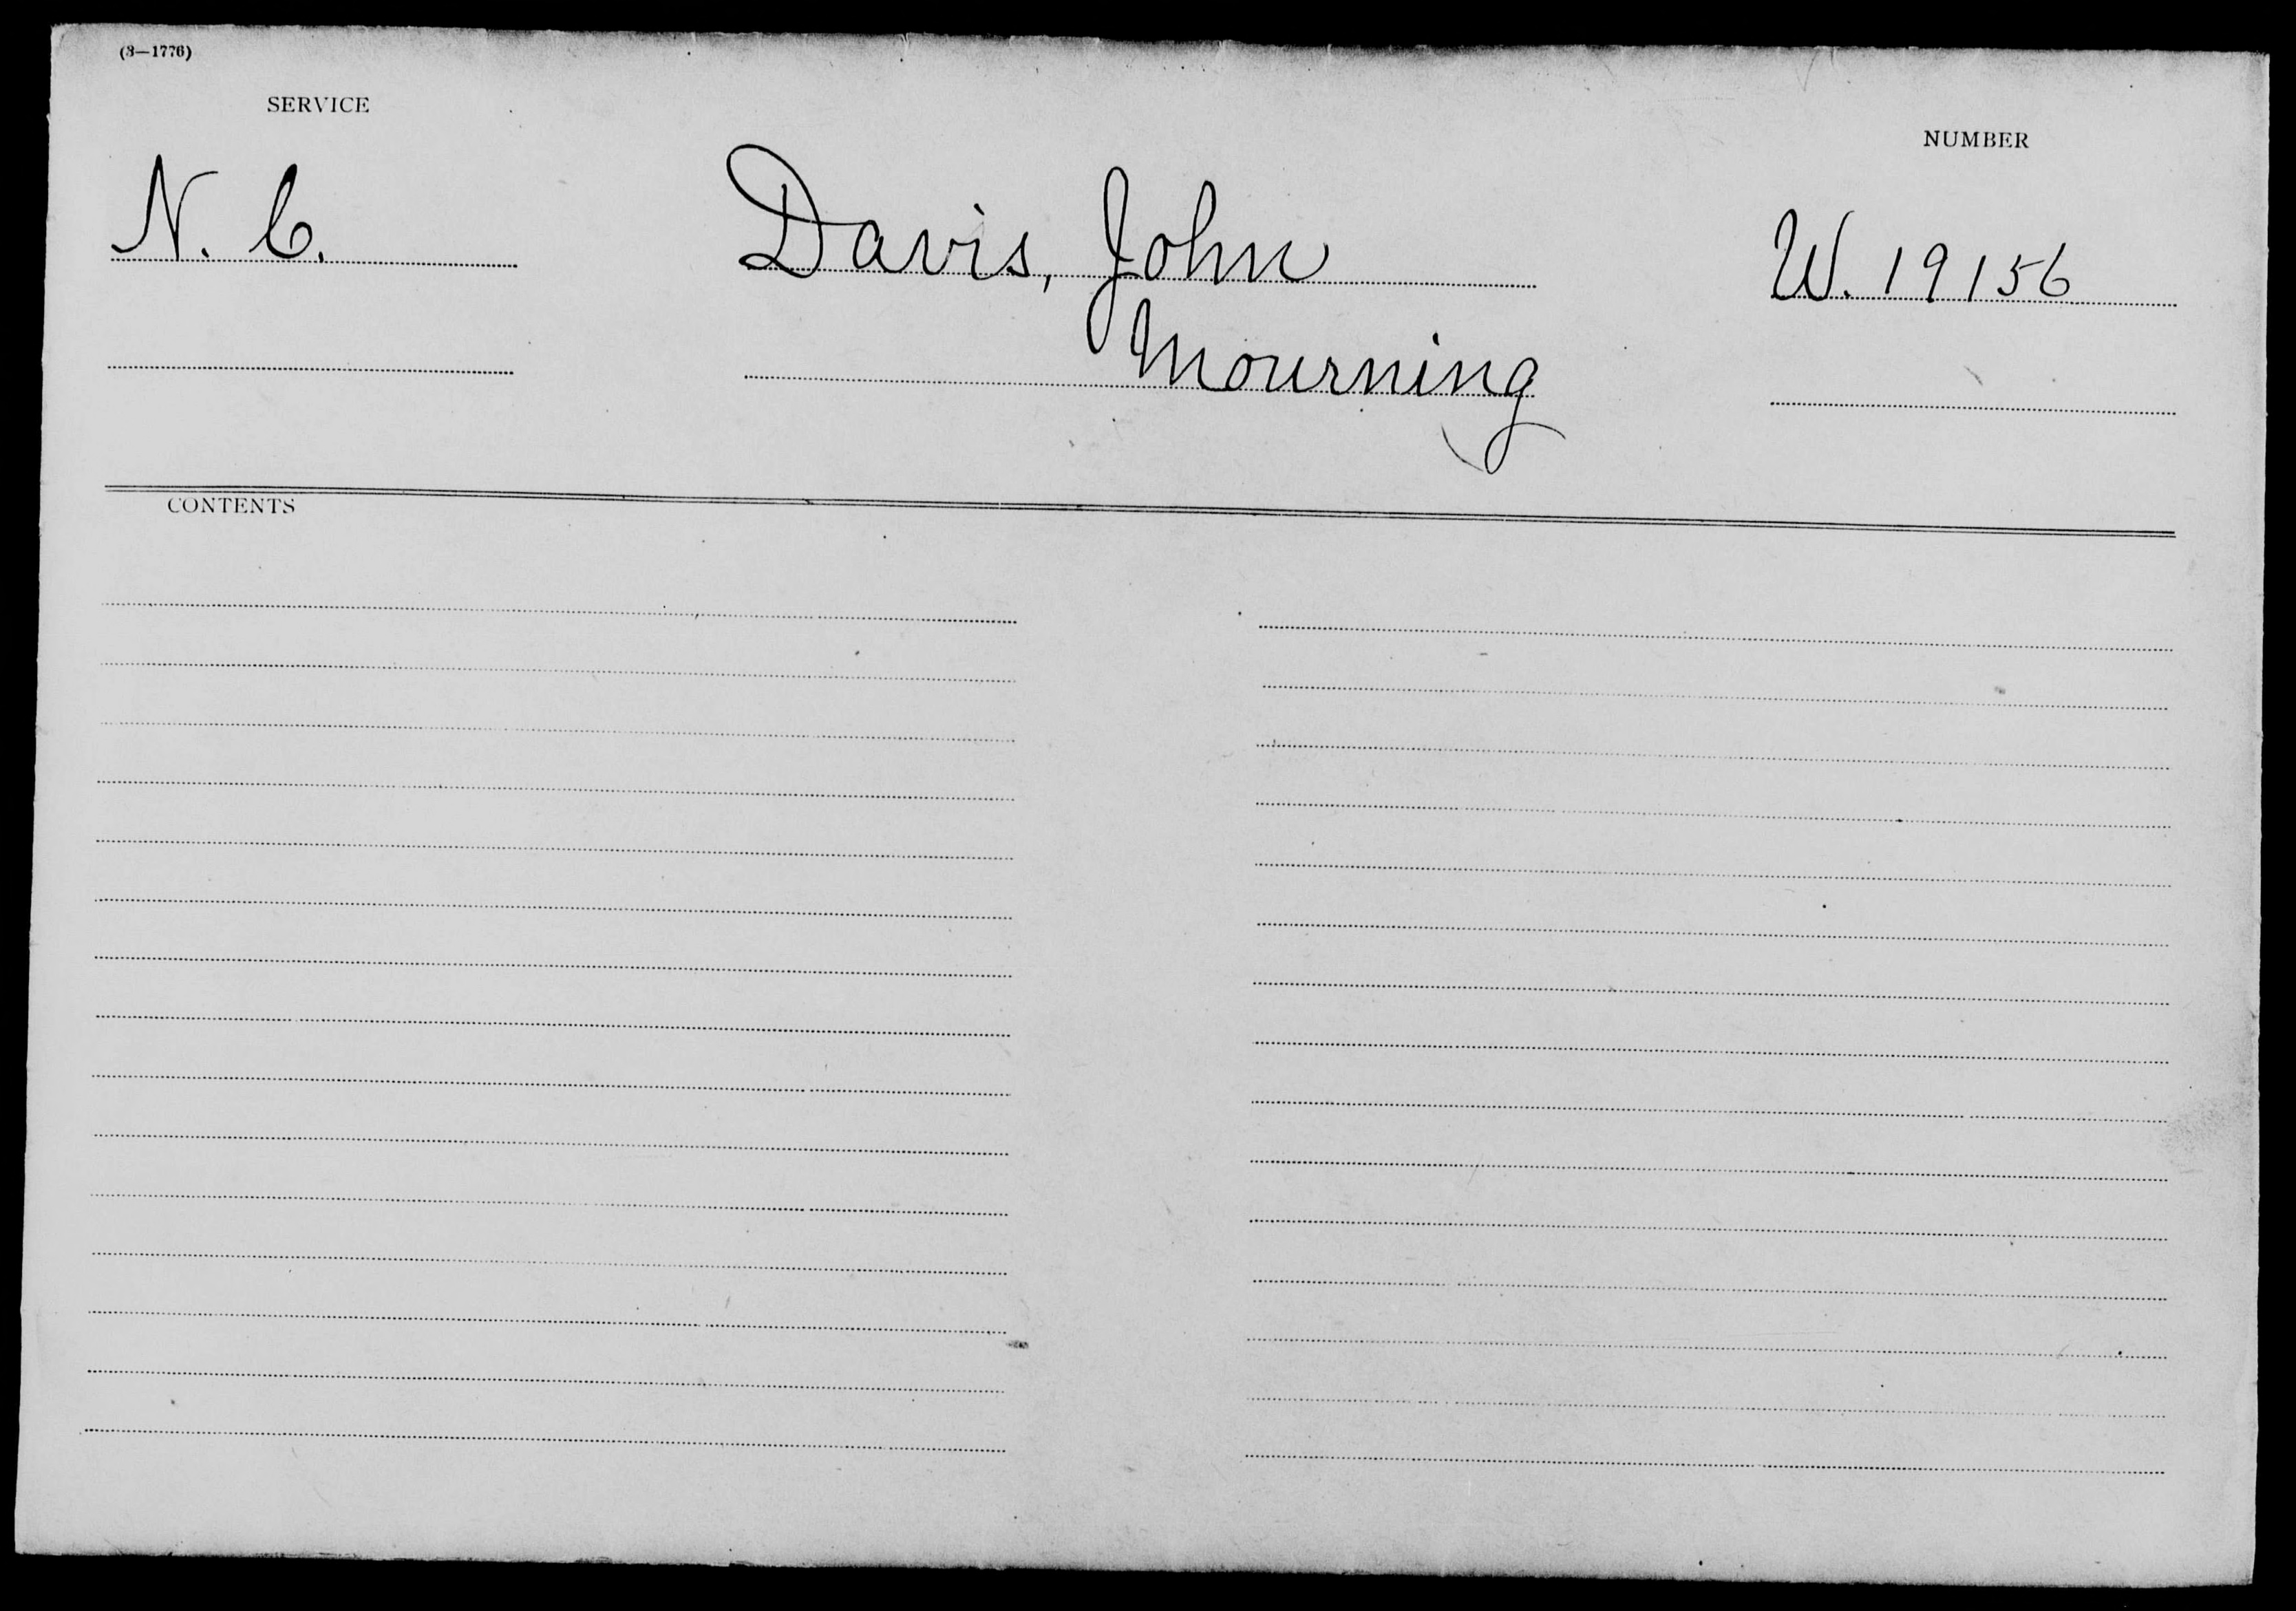N.C.

Davis, John

Davis, Mourning

W. 19,156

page: 1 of 29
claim: widow's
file: W. 19156, John Davis, N.C.